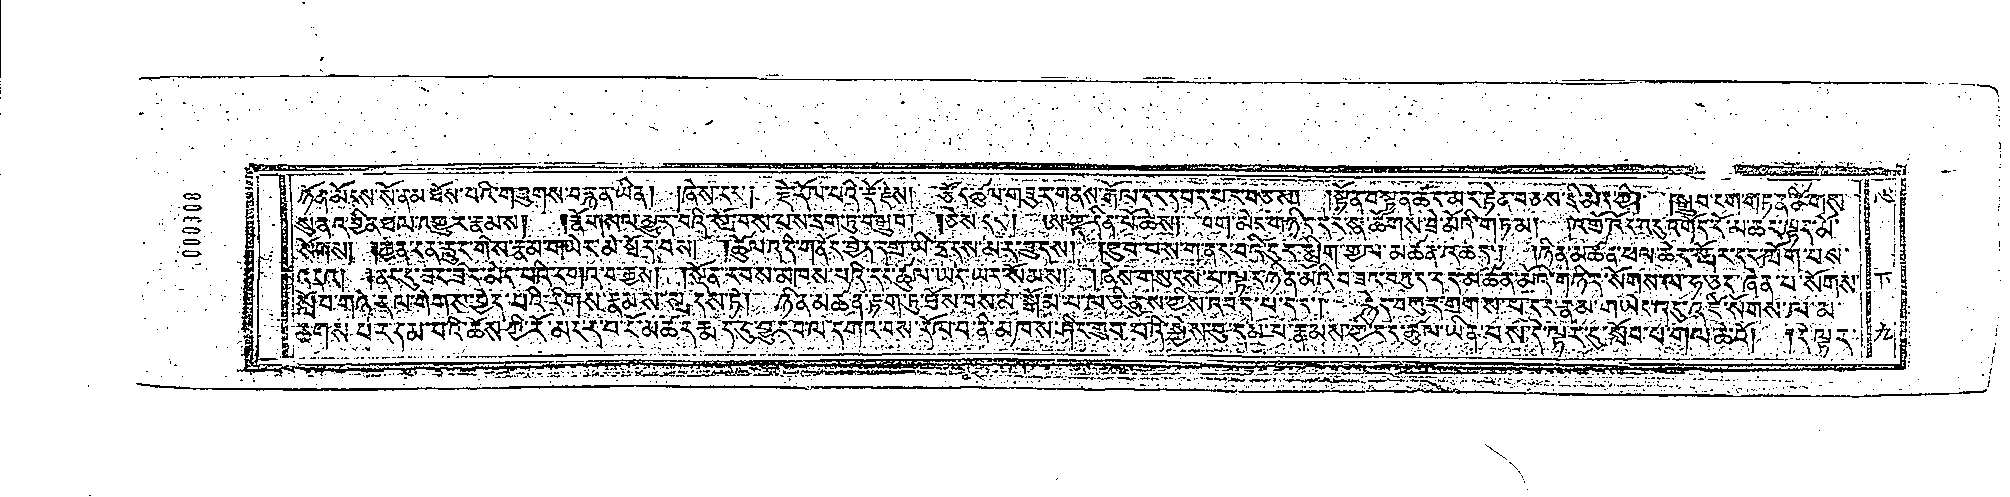ཉོན་མོངས་སོ་ནམ་ཐོས་པའི་གཟུགས་བརྙན་ཡིན། །ཞེས་དང་། རྗེ་རོལ་པའི་རྡོ་རྗེས། རྩོད་ཚུལ་གཟུར་གནས་རྒོལ་དང་དཔད་པར་བཅས། །སྟོན་བསྟན་ཚད་མར་རྟེན་བཅས་དྲི་མེད་ཀྱི། །སྒྲུབ་དག་གཏན་ཚིགས་
སྲུན་འབྱིན་ཐལ་འགྱུར་རྣམས། །རྣོ་གསལ་མྱུར་བའི་སྤོ་བས་པས་དྲག་ཏུ་བསྒྲུབ། །ཅེས་དང་། ཨ་ཀྱཱ་རིན་པོ་ཆེས། བག་མེད་གཉིད་དང་སྣ་ཚོགས་བྲེ་མོའི་གཏམ། །འགྲོ་འོང་འདུ་འགོད་ངོ་མཚང་ལྟར་མོ་
སོགས། །རྐྱེན་ངན་རླུང་གིས་རྣམ་གཡེང་མེ་སྦོར་བས། །ཚུལ་འདི་གནོད་བྱེད་དགྲ་ཡི་དྭངས་མར་ཟུངས། །ཐུབ་པས་གནང་བའི་དུར་སྨྲིག་གྱལ་མཚན་འཆང་། །ཉིན་མཚན་ཕལ་ཆེར་སྤོང་དང་ཀློག་པས་
འདའ། །ནང་དུ་ཟང་ཟིང་མེད་པའི་དགའ་བ་རྒྱས། །སྔོན་རབས་མཁས་པའི་ངང་ཚུལ་ཡང་ཡང་སོམས། །ཞེས་གསུངས་པ་ལྟར་ཉིན་མོའི་བཟའ་བཏུང་དང་མཚན་མོའི་གཉིད་སོགས་ལ་ཧ་ཅང་ཞེན་པ་སོགས་
སློབ་གཉེར་ལ་གེགས་བྱེད་པའི་རིགས་རྣམས་སྤངས་ཏེ། ཉིན་མཚན་རྟག་ཏུ་ཐོས་བསམ་སྒོམ་པ་ལ་ཅི་ནུས་ཀྱིས་འབད་པ་དང་། རྙེད་བཀུར་གྲགས་པ་རང་རྣམ་གཡེང་འདུ་འཛི་སོགས་ལ་མ་
ཆགས་པར་དམ་པའི་ཆོས་ཀྱི་རོ་མངར་བ་ངོ་མཚར་རྨད་དུ་བྱུང་བ་ལ་དགའ་བས་རོལ་བ་ནི་མཁས་ཤིང་གྲུབ་པའི་སྐྱེས་བུ་དམ་པ་རྣམས་ཀྱི་ངང་ཚུལ་ཡིན་པས་དེ་ལྟར་དུ་སློབ་པ་གལ་ཆེ་འོ། །དེ་ལྟར་